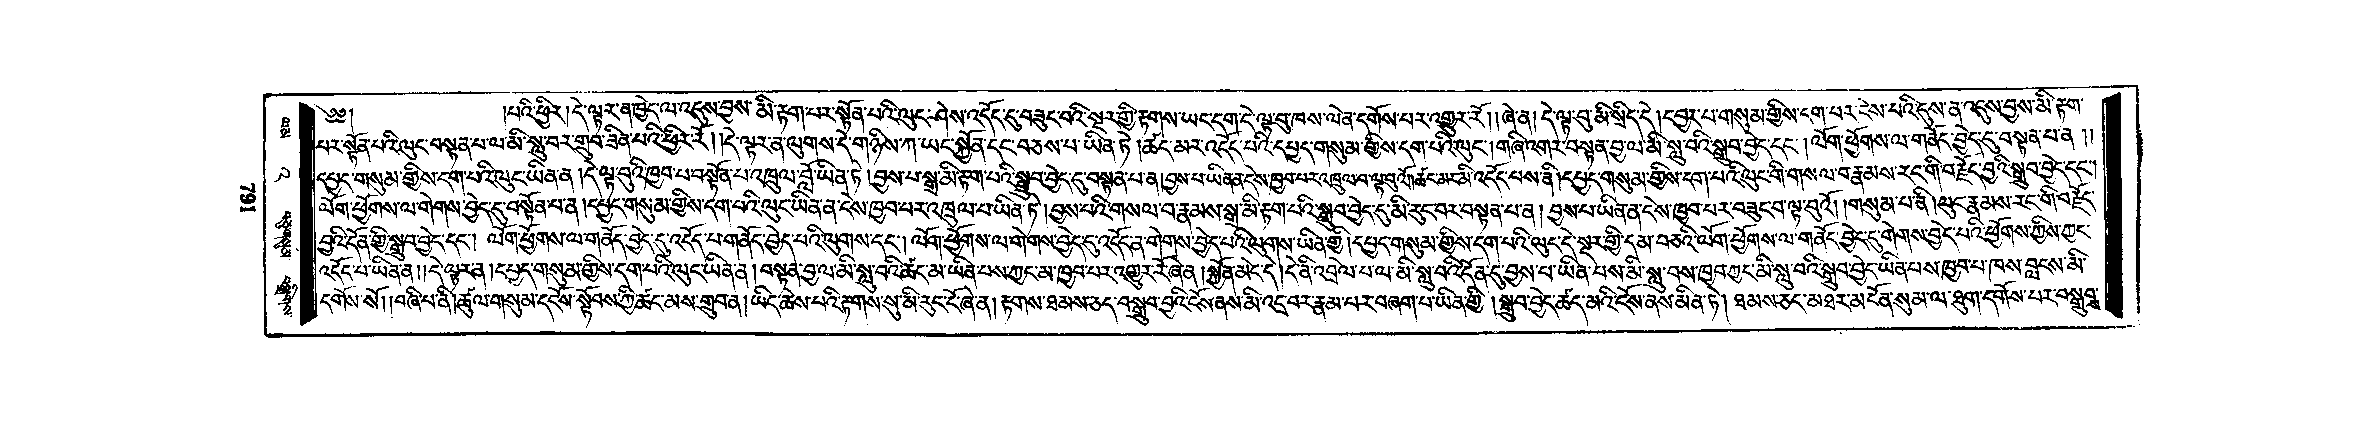༄༅། །པའི་ཕྱིར། དེ་ལྟར་ན་ཁྱེད་ལ་འདུས་བྱས་མི་རྟག་པར་སྟོན་པའི་ལུང་ཤེས་འདོད་དུ་བཟུང་བའི་སྔར་གྱི་རྟགས་ཡང་དག་དེ་ལྟ་བུ་ཁས་ལེན་དགོས་པར་འགྱུར་རོ། །ཞེ་ན། དེ་ལྟ་བུ་མི་སྲིད་དེ། དབྱར་པ་གསུམ་གྱིས་དག་པར་ངེས་པའི་དུས་ན་འདུས་བྱས་མི་རྟག་
པར་སྟོན་པའི་ལུང་བསྟན་པ་ལ་མི་སླུ་བར་གྲུབ་ཟིན་པའི་ཕྱིར་རོ། །དེ་ལྟར་ན་ལུགས་དེ་གཉིས་ཀ་ཡང་སྐྱོན་དང་བཅས་པ་ཡིན་ཏེ། ཚད་མར་འདོད་པའི་དཔྱད་གསུམ་གྱིས་དག་པའི་ལུང་། གཞི་འགར་བསྟན་བྱ་ལ་མི་སླུ་བའི་སྒྲུབ་བྱེད་དང་། ལོག་ཕྱོགས་ལ་གནོད་བྱེད་དུ་བསྟན་པ་ན། །
དཔྱད་གསུམ་གྱིས་དག་པའི་ལུང་ཡིན་ན། དེ་ལྟ་བུའི་ཁྱབ་པ་བསྟོན་པ་འཁྲུལ་བློ་ཡིན་ཏེ། བྱས་པ་སྒྲ་མི་རྟག་པའི་སྒྲུབ་བྱེད་དུ་བསྟན་པ་ན། བྱས་པ་ཡིན་ན་དེས་ཁྱབ་པར་འཁྲུལ་བ་ལྟ་བུའོ། །ཚང་མར་མི་འདོད་པས་ནི། དཔྱད་གསུམ་གྱིས་དག་པའི་ལུང་གི་གསལ་བ་རྣམས་རང་གི་བརྗོད་བྱའི་སྒྲུབ་བྱེད་དང་།
ལོག་ཕྱོགས་ལ་གེགས་བྱེད་དུ་བསྟོན་པ་ན། དཔྱད་གསུམ་གྱིས་དག་པའི་ལུང་ཡིན་ན་ངེས་ཁྱབ་པར་འཁྲུལ་པ་ཡིན་ཏེ། བྱས་པའི་གསལ་བ་རྣམས་སྒྲ་མི་རྟག་པའི་སྒྲུབ་བྱེད་དུ་མི་རུང་བར་བསྟན་པ་ན། བྱས་པ་ཡིན་ན་ངེས་ཁྱབ་པར་བཟུང་བ་ལྟ་བུའོ། །གསུམ་པ་ནི། ལུང་རྣམས་རང་གི་བརྗོད་
བྱའི་དོན་གྱི་སྒྲུབ་བྱེད་དང་། ལོག་ཕྱོགས་ལ་གནོད་བྱེད་དུ་འདོད་པ་གནོད་བྱེད་པའི་ལུགས་དང་། ལོག་ཕྱོགས་ལ་གེགས་བྱེད་དུ་འདོད་ན་གེགས་བྱེད་པའི་ལུགས་ཡིན་གྱི། དཔྱད་གསུམ་གྱིས་དག་པའི་ལུང་དེ་སྔར་གྱི་དམ་བཅའི་ལོག་ཕྱོགས་ལ་གནོད་བྱེད་དུ་གེགས་བྱེད་པའི་ཕྱོགས་ཀྱིས་ཀྱང་
འདོད་པ་ཡིན་ན། །དེ་ལྟར་ན། དཔྱད་གསུམ་གྱིས་དག་པའི་ལུང་ཡིན་ན། བསྟན་བྱ་ལ་མི་སླུ་བའི་ཚད་མ་ཡིན་པས་ཀྱང་མ་ཁྱབ་པར་འགྱུར་རོ་ཞེ་ན། སྐྱོན་མེད་དེ། དེ་ནི་འབྲེལ་པ་ལ་མི་སླུ་བའི་དོན་དུ་བྱས་པ་ཡིན་པས་མི་སླུ་བས་ཁྱབ་ཀྱང་མི་སླུ་བའི་སྒྲུབ་བྱེད་ཡིན་པས་ཁྱབ་པ་ཁས་བླངས་མི་
དགོས་སོ། །བཞི་པ་ནི། ཚུལ་གསུམ་དངོས་སྟོབས་ཀྱི་ཚད་མས་གྲུབ་ན། ཡིད་ཆེས་པའི་རྟགས་སུ་མི་རུང་ངོ་ཞེ་ན། རྟགས་ཐམས་ཅད་བསྒྲུབ་བྱའི་ངོས་ནས་མི་འདྲ་བར་རྣམ་པར་བཞག་པ་ཡིན་གྱི། སྒྲུབ་བྱེད་ཚད་མའི་ངོས་ནས་མིན་ཏེ། ཐམས་ཅད་མཐར་མངོན་སུམ་ལ་ཐུག་དགོས་པར་བསྒྲུབས་